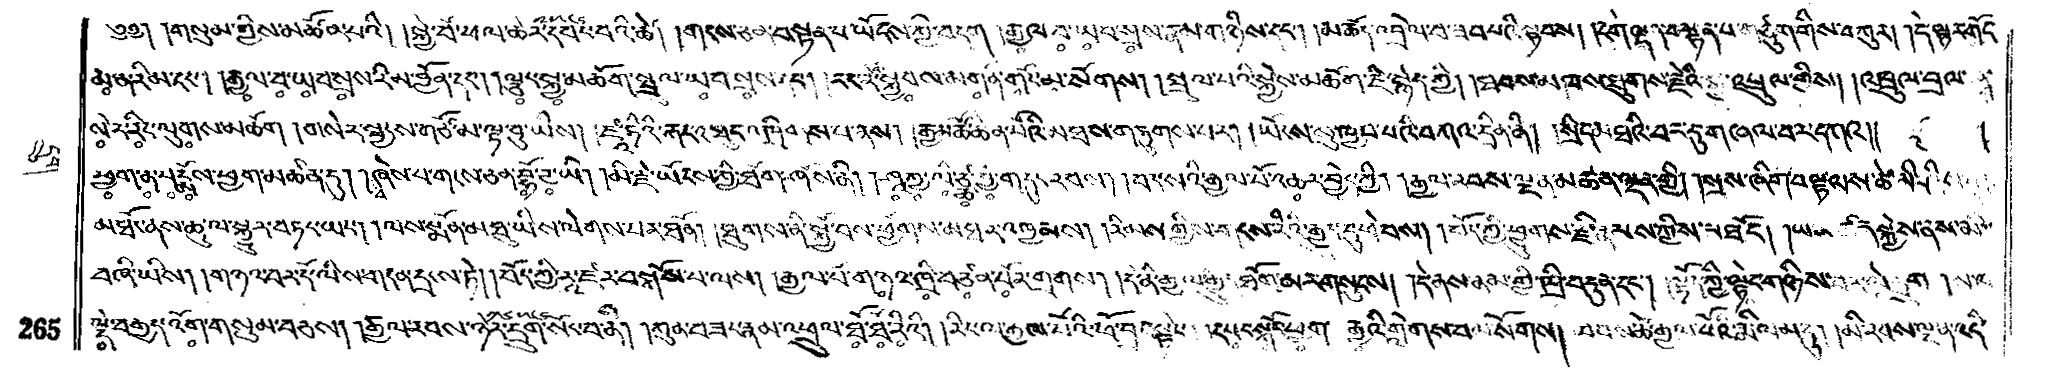༄༅། །གསུམ་གྱིས་མཚོན་པའི། །སྐྱེ་བོ་ཕལ་ཆེར་དབང་བའི་ཚེ། །གངས་ཅན་བསྟན་པ་ཡོངས་ཀྱི་བདག །རྒྱལ་བ་ཡབ་སྲས་རྣམ་གཉིས་དང་། །མཆོད་འབྲེལ་བ་ཟབ་པའི་སྟབས། །དགེ་ལྡན་བསྟན་པ་གཙུག་གིས་བཀུར། །དེ་ལྟར་གོང་
མ་ན་རིམ་དང་། །རྒྱལ་བ་ཡབ་སྲས་རིམ་བྱོན་དང་། །ལྕང་སྐྱ་མཆོག་སྤྲུལ་ཡབ་སྲས་དང་། །རང་ནེའི་སྐྱབས་མགོན་གོང་མ་སོགས། །སྤྲུལ་པའི་སྐྱེས་མཆོག་ཇི་སྙེད་ཀྱི། །ཐབས་མཁས་ཐུགས་རྗེའི་སྐུ?་འཕྲུལ་གྱིས། །འཁྲུལ་བྲལ་?
སེར་རིང་ལུགས་མཆོག །གསེར་སྦྱངས་གཙོ་མ་ལྟ་བུ་ཡིས། །ཛཱ་ཏིའི་རྐང་འཐུང་འཁྲིགས་པ་ནས། །རྒྱ་མཚོ་ཆེན་པོའི་མཐས་གཏུགས་པར། །ཡོངས་སུ་ཁྱབ་པའི་བཀའ་དྲིན་ནི། །སྲིད་མཐའི་བར་དུ་གཞལ་བར་དཀའ།། ༈ །
ཕྱག་ན་པདམོས་ཕྱག་མཚན་དུ། །བཞེས་པ་གངས་ཅན་བྷོ་ཊ་ཡི། །མི་རྗེ་ཡོངས་ཀྱི་ཐོག་ཤོས་ནི། །ཤཱཀྱ་ལི་ཙྪ་བྱི་གདུང་རབས། །བང་སའི་རྒྱལ་པོ་འཆར་བྱེད་ཀྱི། །རྒྱལ་རབས་ལྡན་མཚན་ལྡན་གྱི། །སྲས་ཞིག་བལྟ་ལས་ཚེ་མི་ཤིས་བྲལ?
མཐོང་ནས་ཆུ་ལ་སྐྱུར་བཏང་ཡང་། །ལས་སྨོན་མཐུ་ཡིས་ལེགས་པར་ཐོན། །ཐུགས་ནི་སྐྱོ་བས་ཕྱོགས་མཐར་འཁྱམས། །རིམས་གྱིས་གངས་རིའི་རྒྱུད་དུ་ཕེབས། །བོད་ཀྱི་ཕྱུགས་རྗི་རྣམས་ཀྱིས་མཐོང་། །ཡ་མཚན་སྐྱེས་ནས་མི་
བཞི་ཡིས། །གཉའ་བར་དོ་ལིས་གདན་དྲངས་ཏེ། །བོད་ཀྱི་རཱ་ཛར་བསྒོས་པ་ལས། །རྒྱལ་པོ་གཉའ་ཁྲི་བཙན་པོར་གྲགས། །དེ་ནི་རྒྱལ་རྒྱུད་ཐོག་མར་གསུངས། །དེ་ནས་ནམ་གྱི་ཁྲི་བདུན་དང་། །སྟོད་ཀྱི་ལྟེང་གཉིས་པར་ལེ་དྲུག །ས་ཁ་
ལྡེ་བརྒྱད་འོག་གསུམ་བཅས། །རྒྱལ་རབས་ཉེར་དྲུག་སང་བ་ནི། །ཀུན་བཟང་རྣམ་འཕྲུལ་ཐོ་ཐོ་རིའི། །རིང་ལ་རྒྱལ་པོའི་ཕོ་བྲང་སྟེང་། །དཔང་སྐོང་ཕྱག་རྒྱའི་གླེགས་བམ་སོགས། །བབས་ཚེ་རྒྱལ་པོའི་རྨི་ལམ་དུ། །མི་རབས་ལྡན་འདི་